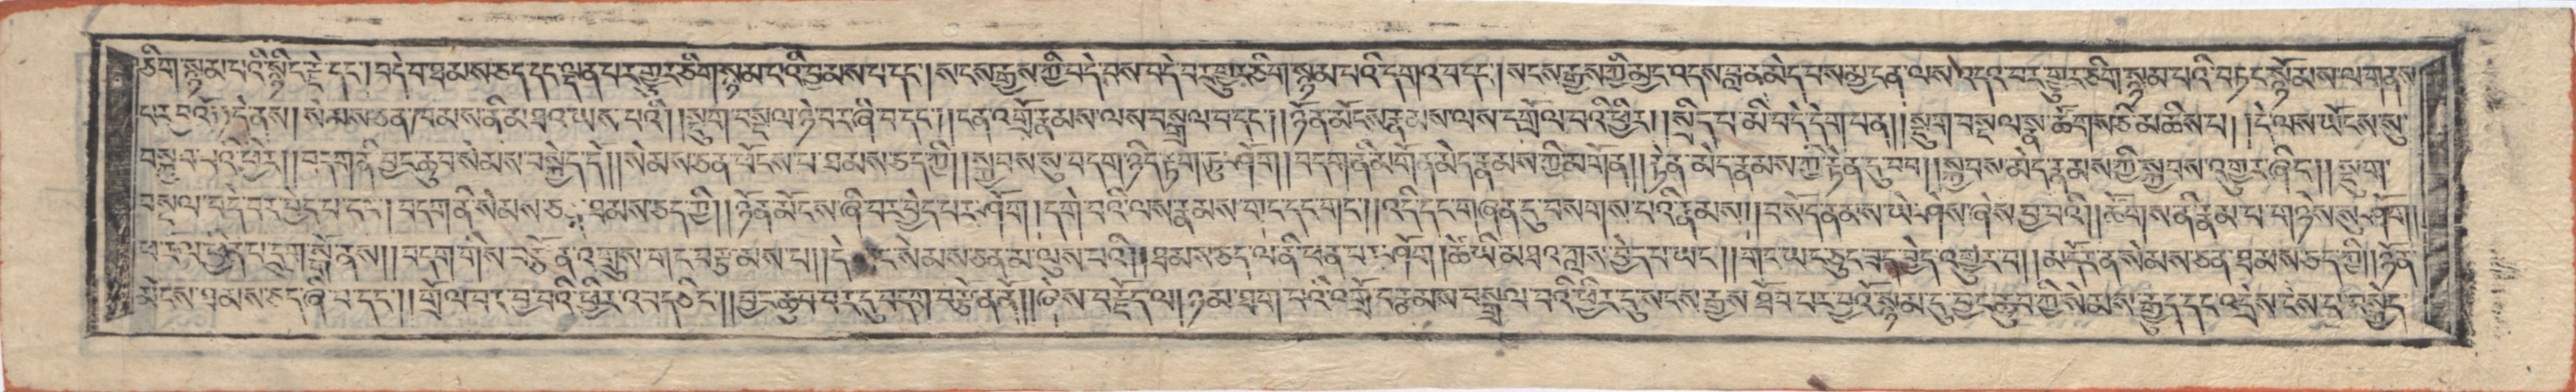ཅིག་སྙམ་པའི་སྙིང་རྗེ་དང་། བདེ་བ་ཐམས་ཅད་དང་ལྡན་པར་གྱུར་ཅིག་སྙམ་པའི་བྱམས་པ་དང་། སངས་རྒྱས་ཀྱི་བདེ་བས་བདེ་བར་གྱུར་ཅིག་སྙམ་པའི་དགའ་བ་དང་། སངས་རྒྱས་ཀྱི་མྱང་འདས་བླ་ན་མེད་པས་མྱ་ངན་ལས་འདའ་བར་གྱུར་ཅིག་སྙམ་པའི་བཏང་སྙོམས་ལ་གནས་
པར་བྱའོ༑ ༑དེ་ནས། སེམས་ཅན་ཁམས་ནི་མཐའ་ཡས་པའི། །སྡུག་བསྔལ་ཉེ་བར་ཞི་བ་དང་། །ངན་འགྲོ་རྣམས་ལས་བསྒྲལ་བ་དང་། །ཉོན་མོངས་རྣམས་ལས་དགྲོལ་བའི་ཕྱིར། །སྲིད་པ་མི་བདེ་དོག་པ་ན། །སྡུག་བསྔལ་སྣ་ཚོགས་ཅི་མཆིས་པ། །དེ་ལས་ཡོངས་སུ་
བསྐྱབ་པའི་ཕྱིར། །བདག་ནི་བྱང་ཆུབ་སེམས་བསྐྱེད་དོ། །སེམས་ཅན་ཕོངས་པ་ཐམས་ཅད་ཀྱི། །སྐྱབས་སུ་བདག་ཉིད་རྟག་ཏུ་ཤོག །བདག་ནི་མགོན་མེད་རྣམས་ཀྱི་མགོན། །རྟེན་མེད་རྣམས་ཀྱི་རྟེན་དུ་བབ། །སྐྱབས་མེད་རྣམས་ཀྱི་སྐྱབས་འགྱུར་ཞིང་། །སྡུག་
བསྔལ་བདེ་བར་བྱེད་པ་དང་། བདག་ནི་སེམས་ཅན་ཐམས་ཅད་ཀྱི། །ཉོན་མོངས་ཞི་བར་བྱེད་པར་ཤོག །དགེ་བའི་ལས་རྣམས་གང་དང་གང་། །འདི་དང་གཞན་དུ་བསགས་པའི་རྣམས། །བསོད་ནམས་ཡེ་ཤེས་ཞེས་བྱ་བའི། །ཚོགས་ནི་རྣམ་པ་གཉིས་སུ་ཤོག།
ཕ་རོལ་ཕྱིན་པ་དྲུག་སྒོ་ནས། །བདག་གིས་བརྩོན་འགྲུས་གང་བརྩམས་པ། །དེ་ཡང་སེམས་ཅན་མ་ལུས་པའི། །ཐམས་ཅད་ལ་ནི་ཕན་པར་ཤོག །ཚེ་ཡི་མཐའ་ཀླས་བྱེད་པ་ཡང་། །གང་ཡང་ཅུང་ཟད་བྱེད་འགྱུར་བ། །མདོར་ན་སེམས་ཅན་ཐམས་ཅད་ཀྱི། །ཉོན་
མོངས་ཐམས་ཅད་ཞི་བ་དང་། །གྲོལ་བར་བྱ་བའི་ཕྱིར་འབད་ཅིང་། །བྱང་ཆུབ་བར་དུ་བདག་བརྩོན་ནོ། །ཞེས་བརྗོད་ལ། ཉམ་ཐག་པའི་འགྲོ་བ་རྣམས་བསྒྲལ་བའི་ཕྱིར་དུ་སངས་རྒྱས་ཐོབ་པར་བྱའོ་སྙམ་དུ་བྱང་ཆུབ་ཀྱི་སེམས་རྒྱུད་དང་འདྲེས་ངེས་པ་བསྐྱེད་